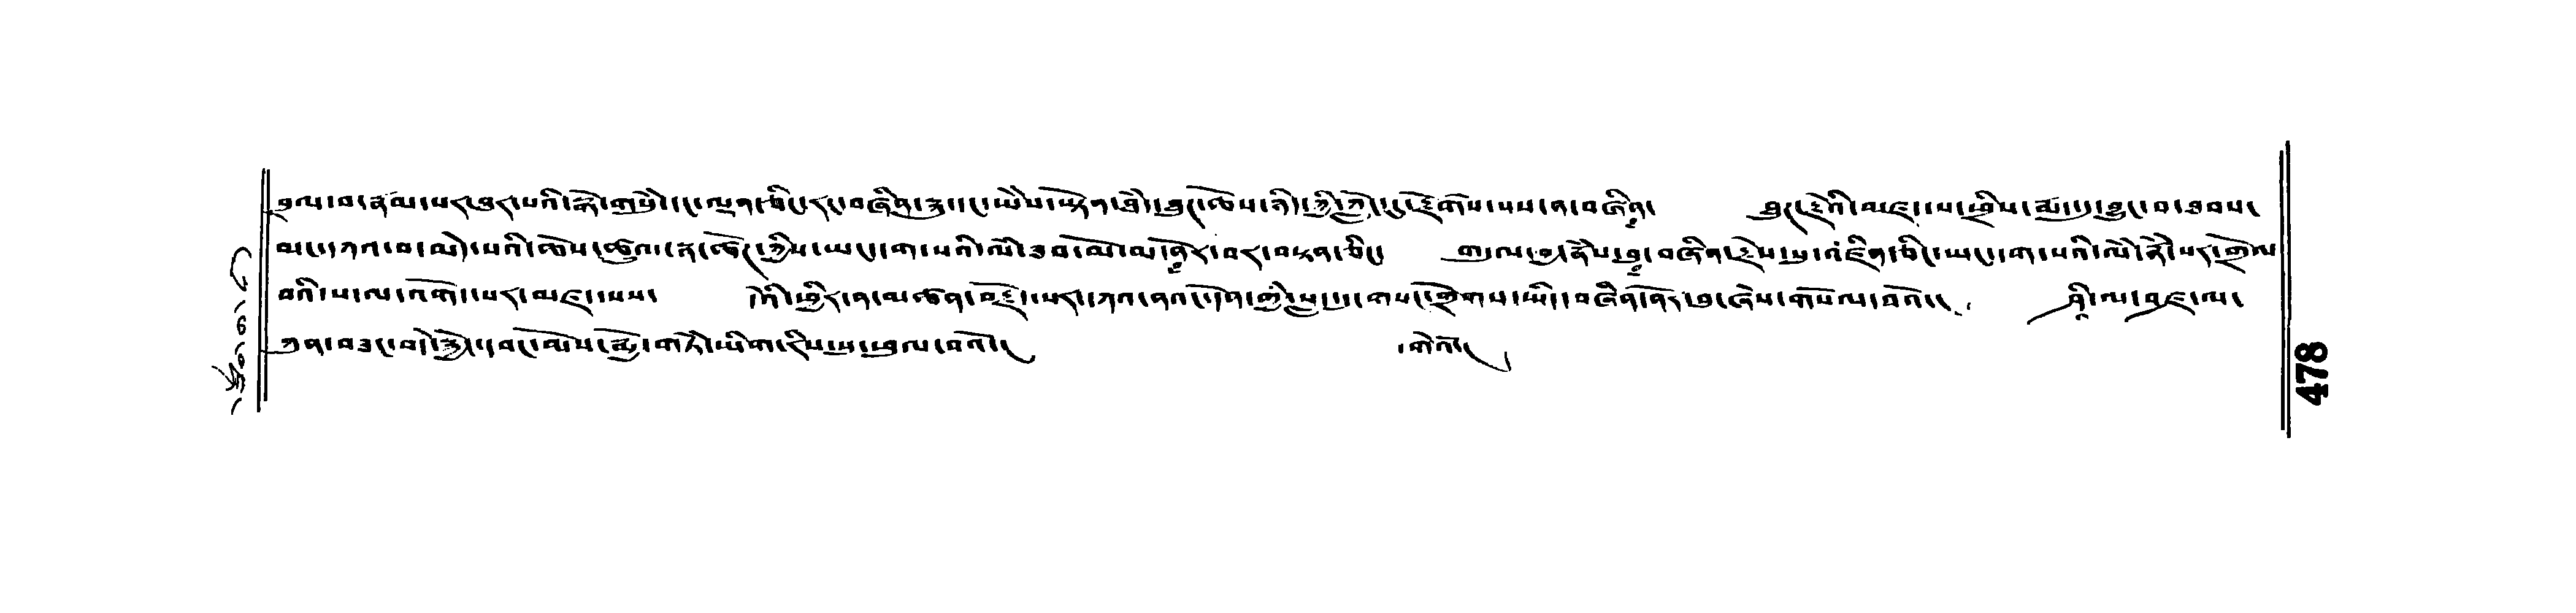བྲལ་བ་རྣམ་པར་ཐར་པའི་སྒོ་གསུམ་དང་ལྡན་ཅིང་རང་བཞིན་སྐུ་དང་ཡེ་ཤེས་ཡོན་ཏན་ཐམས་ཅད་ཐུགས་ཆོས་ཉིད་ཀྱི་ཀློང་དུ་རྫོགས་པས་ན་བཞིན། ཐུགས་རྗེའི་མཛད་པ་ཕྲིན་ལས་རྨད་དུ་བྱུང་བ་ཐམས་
མང་དཀའ་བ་མེད་པའི་ཆོས་ཚུལ་སྣ་ཚོགས་ཀྱིས་ཡང་དག་པའི་ལམ་ཟབ་མོ་མ་ནོར་བར་བསྟན་ཅིང་། གདུལ་བྱ་རྣམས་བུ་བཞིན་རྗེས་སུ་འཛིན་ཅིང་ཡང་དག་པའི་ལམ་རྣམ་པར་གྲོལ་
བའི་ས་ལ་འགོད་པར་མཛད་པས། དེའི་ཕྱིར་ན་མཚན་བརྗོད་པར་དཀའ་ནའང་དོན་གྱི་སླད་དུ་གསང་གྲོགས་ཡིད་བཞིན་ནོར་བུ་ཞེས་གསོལ་བའོ།ཤཱི་ལ་བཛྲ་ལ་
ཀུན་བཟང་བདེ་སྐྱོང་དབང་མོས་སྨྱོ་གཏམ་ཡིག་རིས་སུ་ཕུལ་བའོ།།༈